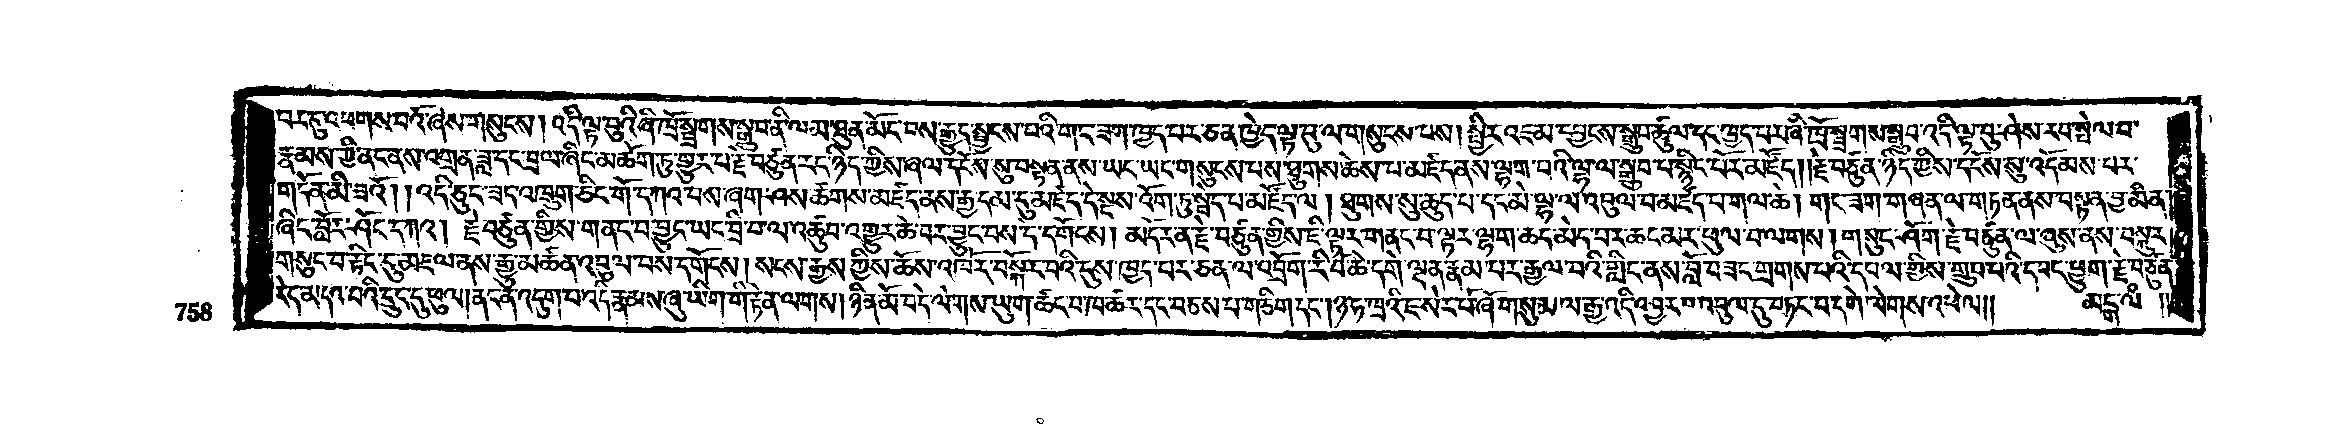པར་དུ་འཕགས་པའོ་ཞེས་གསུངས། འདི་ལྟ་བུའི་ཞི་ཁྲོ་སྦྲགས་སྒྲུབ་ནི་ལམ་ཐུན་མོང་བས་རྒྱུད་སྦྱངས་པའི་གང་ཟག་ཁྱད་པར་ཅན་ཁྱེད་ལྟ་བུ་ལ་གསུངས་པས། སྤྱིར་འཇམ་དབྱངས་སྒྲུབ་ཚུལ་དང་ཁྱད་པར་ཞི་ཁྲོ་སྦྲགས་སྒྲུབ་འདི་ལྟ་བུ་ཤེས་རབ་སྤེལ་བ་
རྣམས་ཀྱི་ནང་ནས་འགྲན་ཟླ་དང་བྲལ་ཞིང་མཆོག་ཏུ་གྱུར་པ་རྗེ་བཙུན་རང་ཉིད་ཀྱིས་ཞལ་དངོས་སུ་བསྟན་ནས་ཡང་ཡང་གསུངས་པས་ཐུགས་ཆེས་པ་མཛད་ནས་ལྷག་པའི་ལྷ་ལ་སྒྲུབ་པ་སྙིང་པོར་མཛོད། །རྗེ་བཙུན་ཉིད་ཀྱིས་དངོས་སུ་འདོམས་པར་
གདོན་མི་ཟའོ། །འདི་ཅུང་ཟད་འཁྲུག་ཅིང་གོ་དཀའ་བས་ཞག་ཤས་ཚགས་མཛད་ནས་རྒྱ་དམ་དུ་མཛད་དེ་སྔས་འོག་ཏུ་སྦེད་པ་མཛོད་ལ། ཐུགས་སུ་ཆུད་པ་དང་མེ་ལྷ་ལ་འབུལ་བ་མཛད་པ་གལ་ཆེ། གང་ཟག་གཞན་ལ་གཏན་ནས་བསྟན་བྱ་མིན་
ཞིང་བློར་ཤོང་དཀའ། རྗེ་བཙུན་གྱིས་གནང་བ་བྱུང་ཡང་བྲི་བ་ལ་འཚུབ་འགྱུར་ཆེ་བར་བྱུང་བས་དེ་དགོངས། མདོར་ན་རྗེ་བཙུན་གྱིས་ཇི་ལྟར་གནང་བ་ལྟར་ལྷག་ཆད་མེད་པར་ཆང་མར་ཕུལ་བ་ལགས། གསུང་ཤོག་རྗེ་བཙུན་ལ་ཞུས་ནས་བསྐུར་
གསུང་བ་རྟིང་དུ་མཇལ་ནས་རྒྱུ་མཚན་འབུལ་བས་དགོངས། སངས་རྒྱས་ཀྱིས་ཆོས་འཁོར་བསྐོར་བའི་དུས་ཁྱད་པར་ཅན་ལ་འབྲོག་རི་བོ་ཆེ་དགེ་ལྡན་རྣམ་པར་རྒྱལ་བའི་གླིང་ནས་བློ་བཟང་གྲགས་པའི་དཔལ་གྱིས་གྲུབ་པའི་དབང་ཕྱུག་རྗེ་བཙུན་
རེད་མདའ་བའི་དྲུང་དུ་ཕུལ། ནང་ན་འདུག་པ་འདི་རྣམས་ཞུ་ཡིག་གི་རྟེན་ལགས། ཉིན་མོ་བདེ་ལེགས་ཡུག་ཚང་བ་ཁ་ཚར་དང་བཅས་པ་གཅིག་དང་། ཉ་ཧ་ཁྲའི་ཇ་སེར་པོ་ཞོ་གསུམ་ལ་རྒྱ་འདི་འབྱར་བ་འབུལ་དུ་བཏང་བ་དགེ་ལེགས་འཕེལ།། མངྒ་ལཾ།།